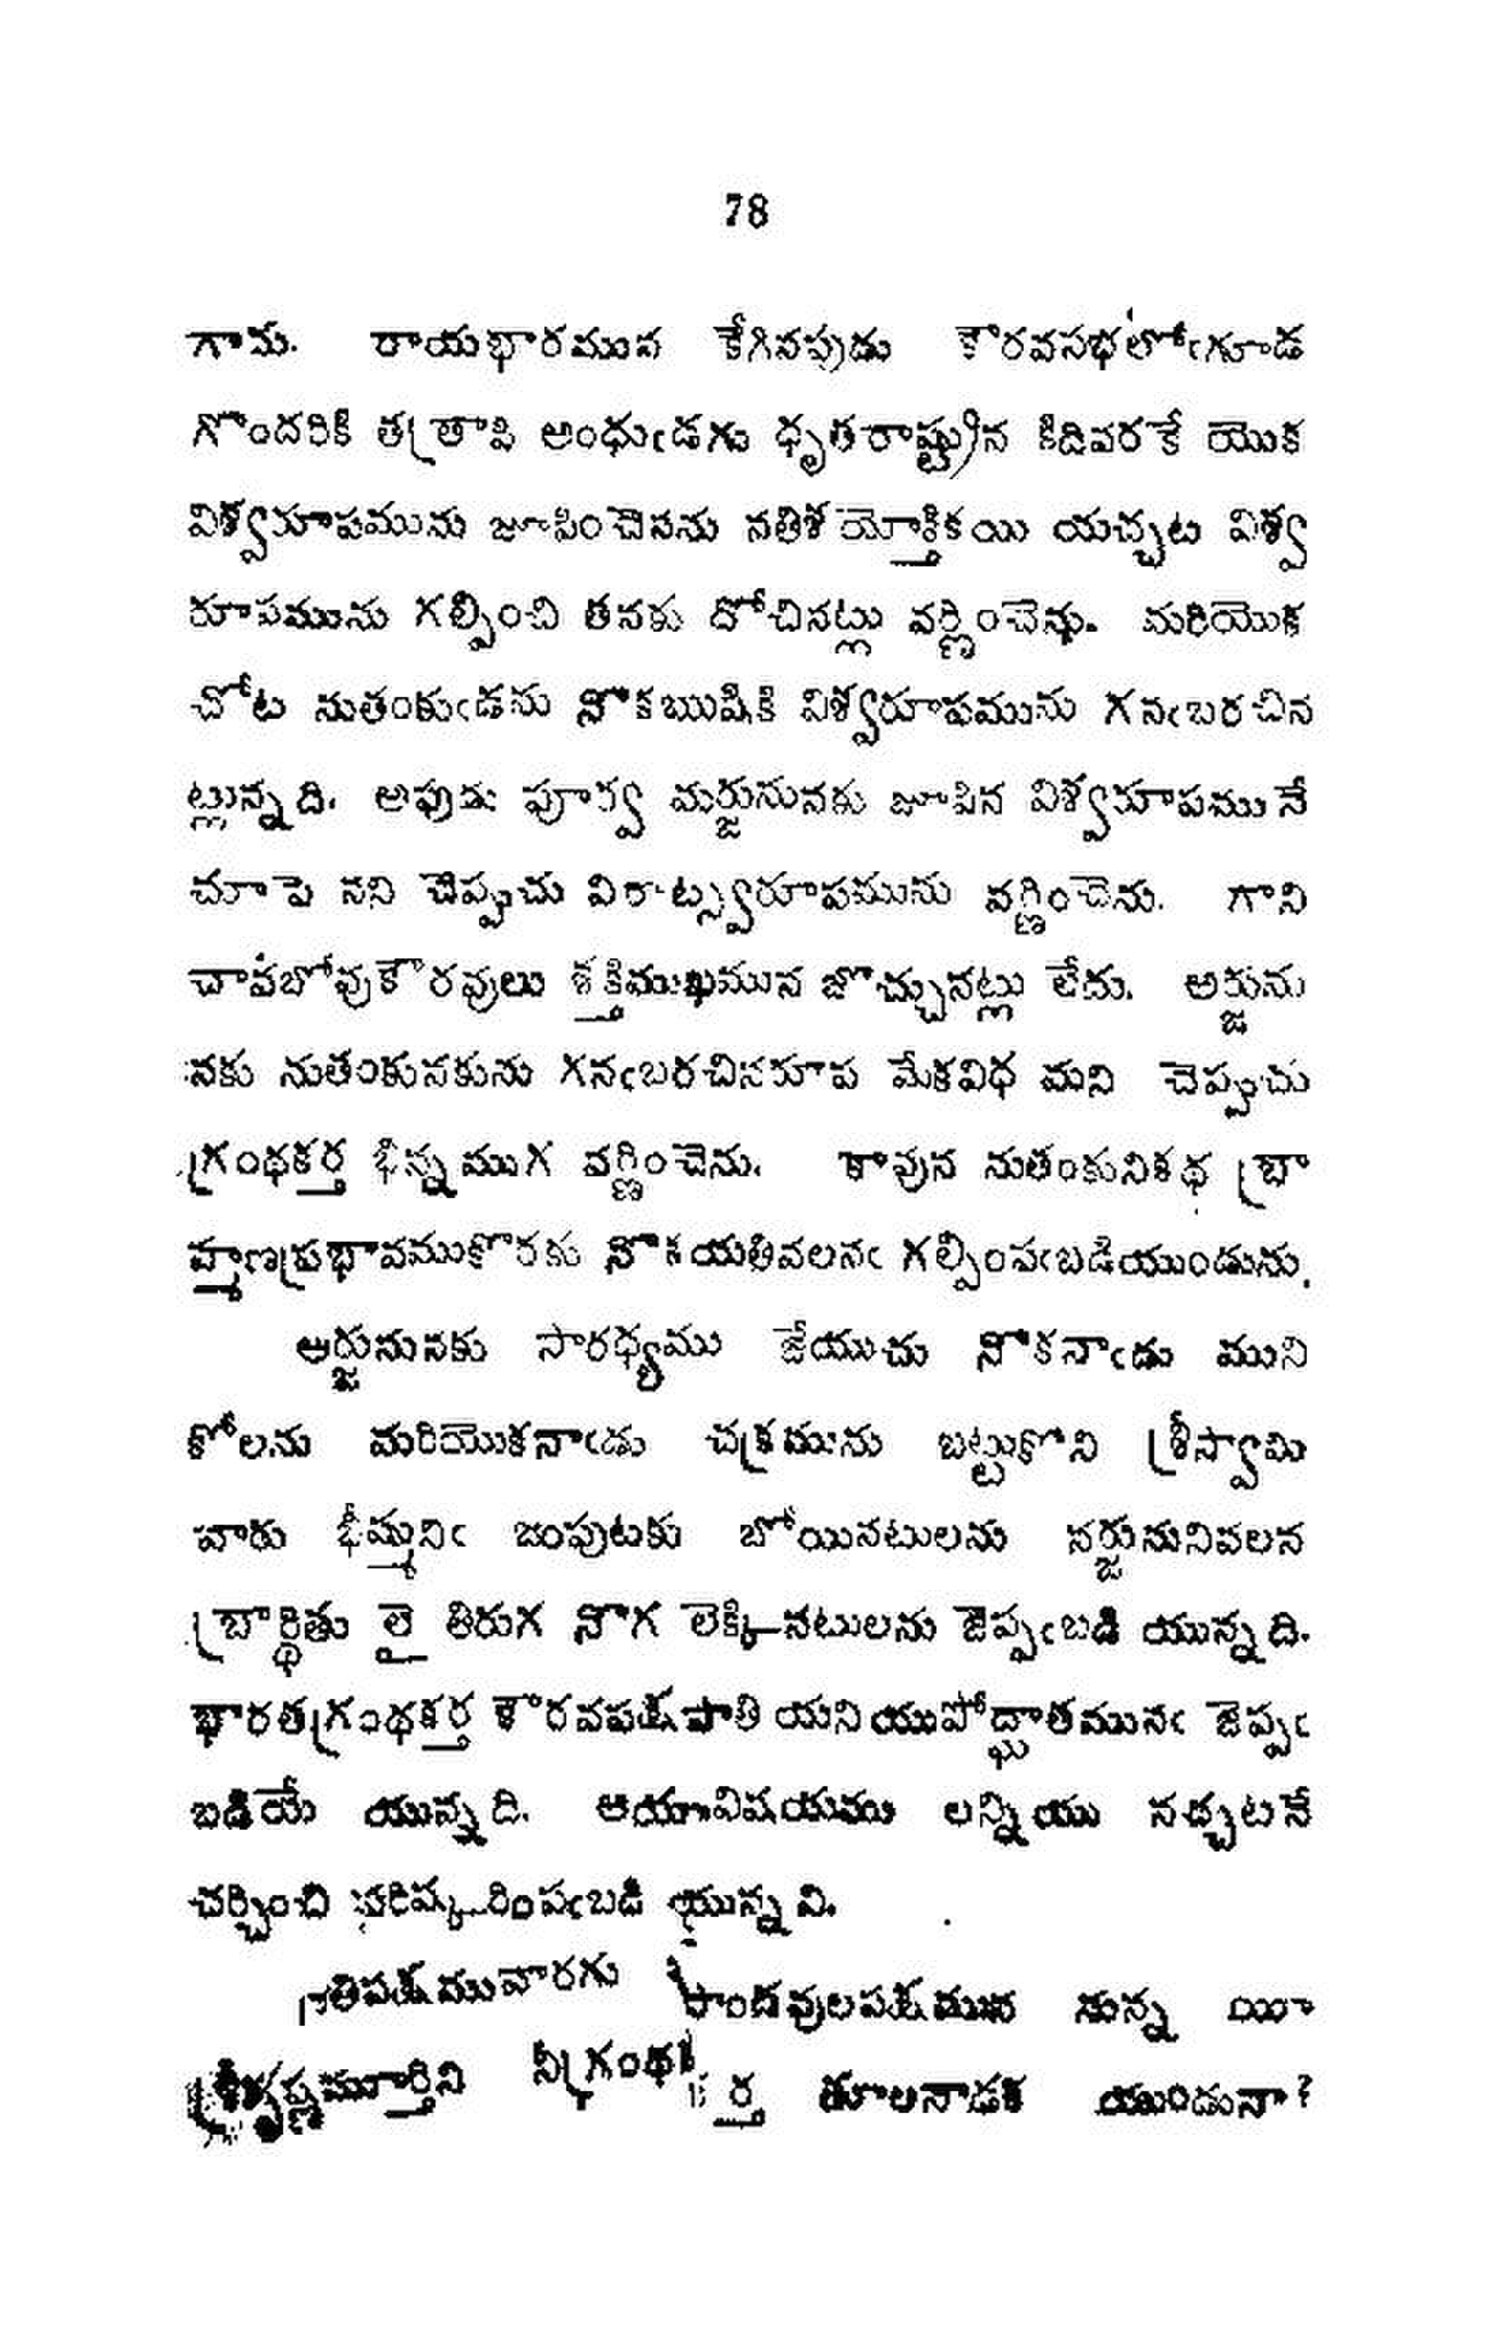గాదు. రాయభారమున కేగినపుడు కౌరవసభలోఁగూడ గొందరికి తత్రాపి అంధుఁడగు ధృతరాష్ట్రున కిదివరకే యొక విశ్వరూపమును జూపించెనను నతిశయోక్తికయి యచ్చట విశ్వరూపమును గల్పించి తనకు దోచినట్లు వర్ణించెను. మరియొకచోట నుతంకుఁడను నొక ఋషికి విశ్వరూపమును గనఁబరచిన
ట్లున్నది. అపుడు పూర్వ మర్జునునకు జూపిన విశ్వరూపమునే చూపె నని చెప్పుచు విరాట్స్వరూపమును వర్ణించెను. గాని చావబోవుకౌరవులు శక్తిముఖమున జొచ్చునట్లు లేదు. అర్జునునకు నుతంకునకును గనఁబరచినరూప మేకవిధ మని చెప్పుచు గ్రంథకర్త భిన్నముగ వర్ణించెను. కావున నుతంకునికథ బ్రాహ్మణప్రభావముకొరకు నొకయతివలనఁ గల్పింపఁబడియుండును.

అర్జునునకు సారధ్యము జేయుచు నొకనాఁడు మునికోలను మరియొకనాఁడు చక్రమును బట్టుకొని శ్రీస్వామివారు భీష్మునిఁ జంపుటకు బోయినటులను నర్జునునివలన బ్రార్థితు లై తిరుగ నొగ లెక్కినటులను జెప్పఁబడి యున్నది. భారతగ్రంథకర్త కౌరవపక్షపాతి యని యుపోద్ఘాతమునఁ జెప్పఁబడియే యున్నది. ఆయావిషయము లన్నియు నచ్చటనే చర్చించి పరిష్కరింపఁబడి యున్నవి.

ప్రతిపక్షమువారగు పాండవులపక్షమున నున్న యీ శ్రీకృష్ణమూర్తిని నీగ్రంథకర్త తూలనాడక యుండునా?